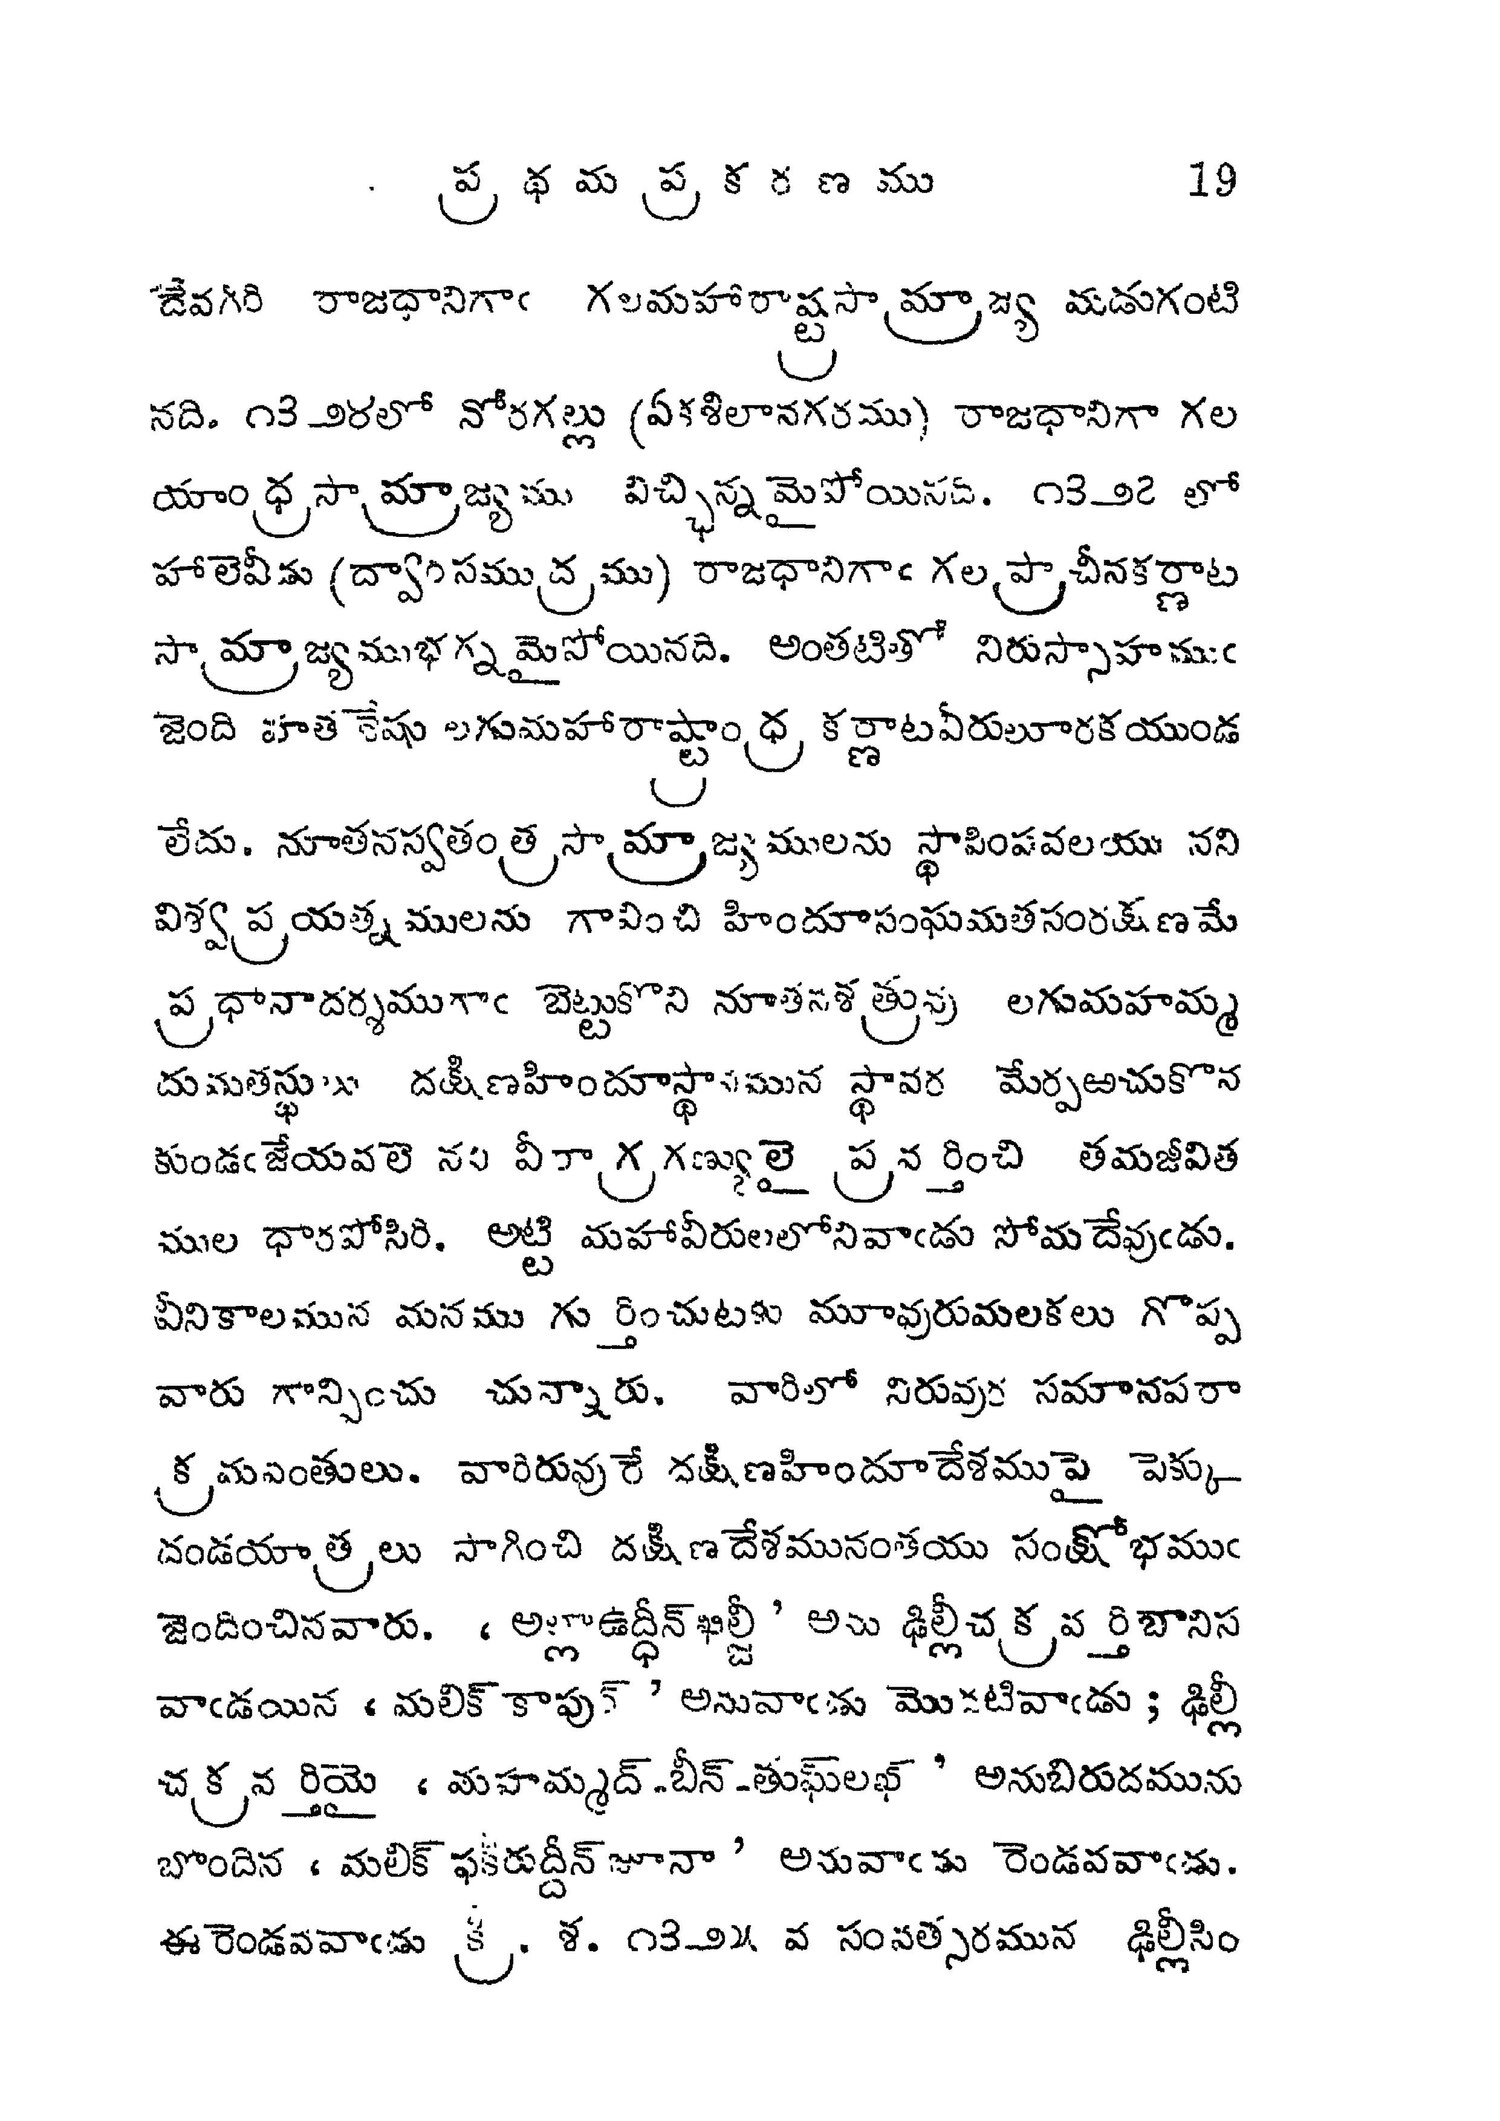దేవగిరి రాజధానిగా గలమహారాష్ట్రసామ్రాజ్య మడుగంటినది. 1324 లో నోరగల్లు (ఏకశిలానగరము) రాజధానిగా గల యాంధ్రసామ్రాజ్యము విచ్ఛిన్నమైపోయినది. 1327 లో హాలెవీడు (ద్వారసముద్రము) రాజధానిగా గలప్రాచీనకర్ణాట సామ్రాజ్యముభగ్నమైపోయినది. అంతటితో నిరుస్సాహము జెంది పాతశేషు లగుమహారాష్ట్రాంధ్ర కర్ణాటవీరులూరకయుండ లేదు. నూతన స్వతంత్రసామ్రాజ్యములను స్థాపింపవలయు నని విశ్వప్రయత్నములను గావించి హిందూసంఘమతసంరక్షణమే ప్రధానాదర్శముగా బెట్టుకొని నూతనశత్రువు లగుమహమ్మదుమతస్థులు దక్షిణహిందూస్థానమున స్థావర మేర్పఱచుకొన కుండజేయవలె నని వీరాగ్రగణ్యులై ప్రవర్తించి తమజీవితముల ధారపోసిరి. అట్టి మహావీరులలోనివాడు సోమదేవుడు. వీనికాలమున మనము గుర్తించుటకు మూవురుమలకలు గొప్పవారు గాన్పించు చున్నారు. వారిలో నిరువుర సమాన పరాక్రమవంతులు. వారిరువురే దక్షిణహిందూదేశముపై పెక్కు దండయాత్రలు సాగించి దక్షిణదేశమునంతయు సంక్షోభము జెందించినవారు. 'అల్లాఉద్ధీన్‌ఖిల్జీ' అను డిల్లీచక్రవర్తి బానిసవాడయిన 'మలిక్‌కాపుర్‌' అనువాడు మొదటివాడు; డిల్లీ చక్రవర్తియై 'మహమ్మద్-బీన్-తుఘ్‌లఖ్‌' అనుబిరుదమును బొందిన 'మలిక్‌ఫకీరుద్దీన్‌జూనా' అనువాడు రెండవవాడు. ఈరెండవవాడు క్రీ. శ. 1325 వ సంవత్సరమున డిల్లిసిం